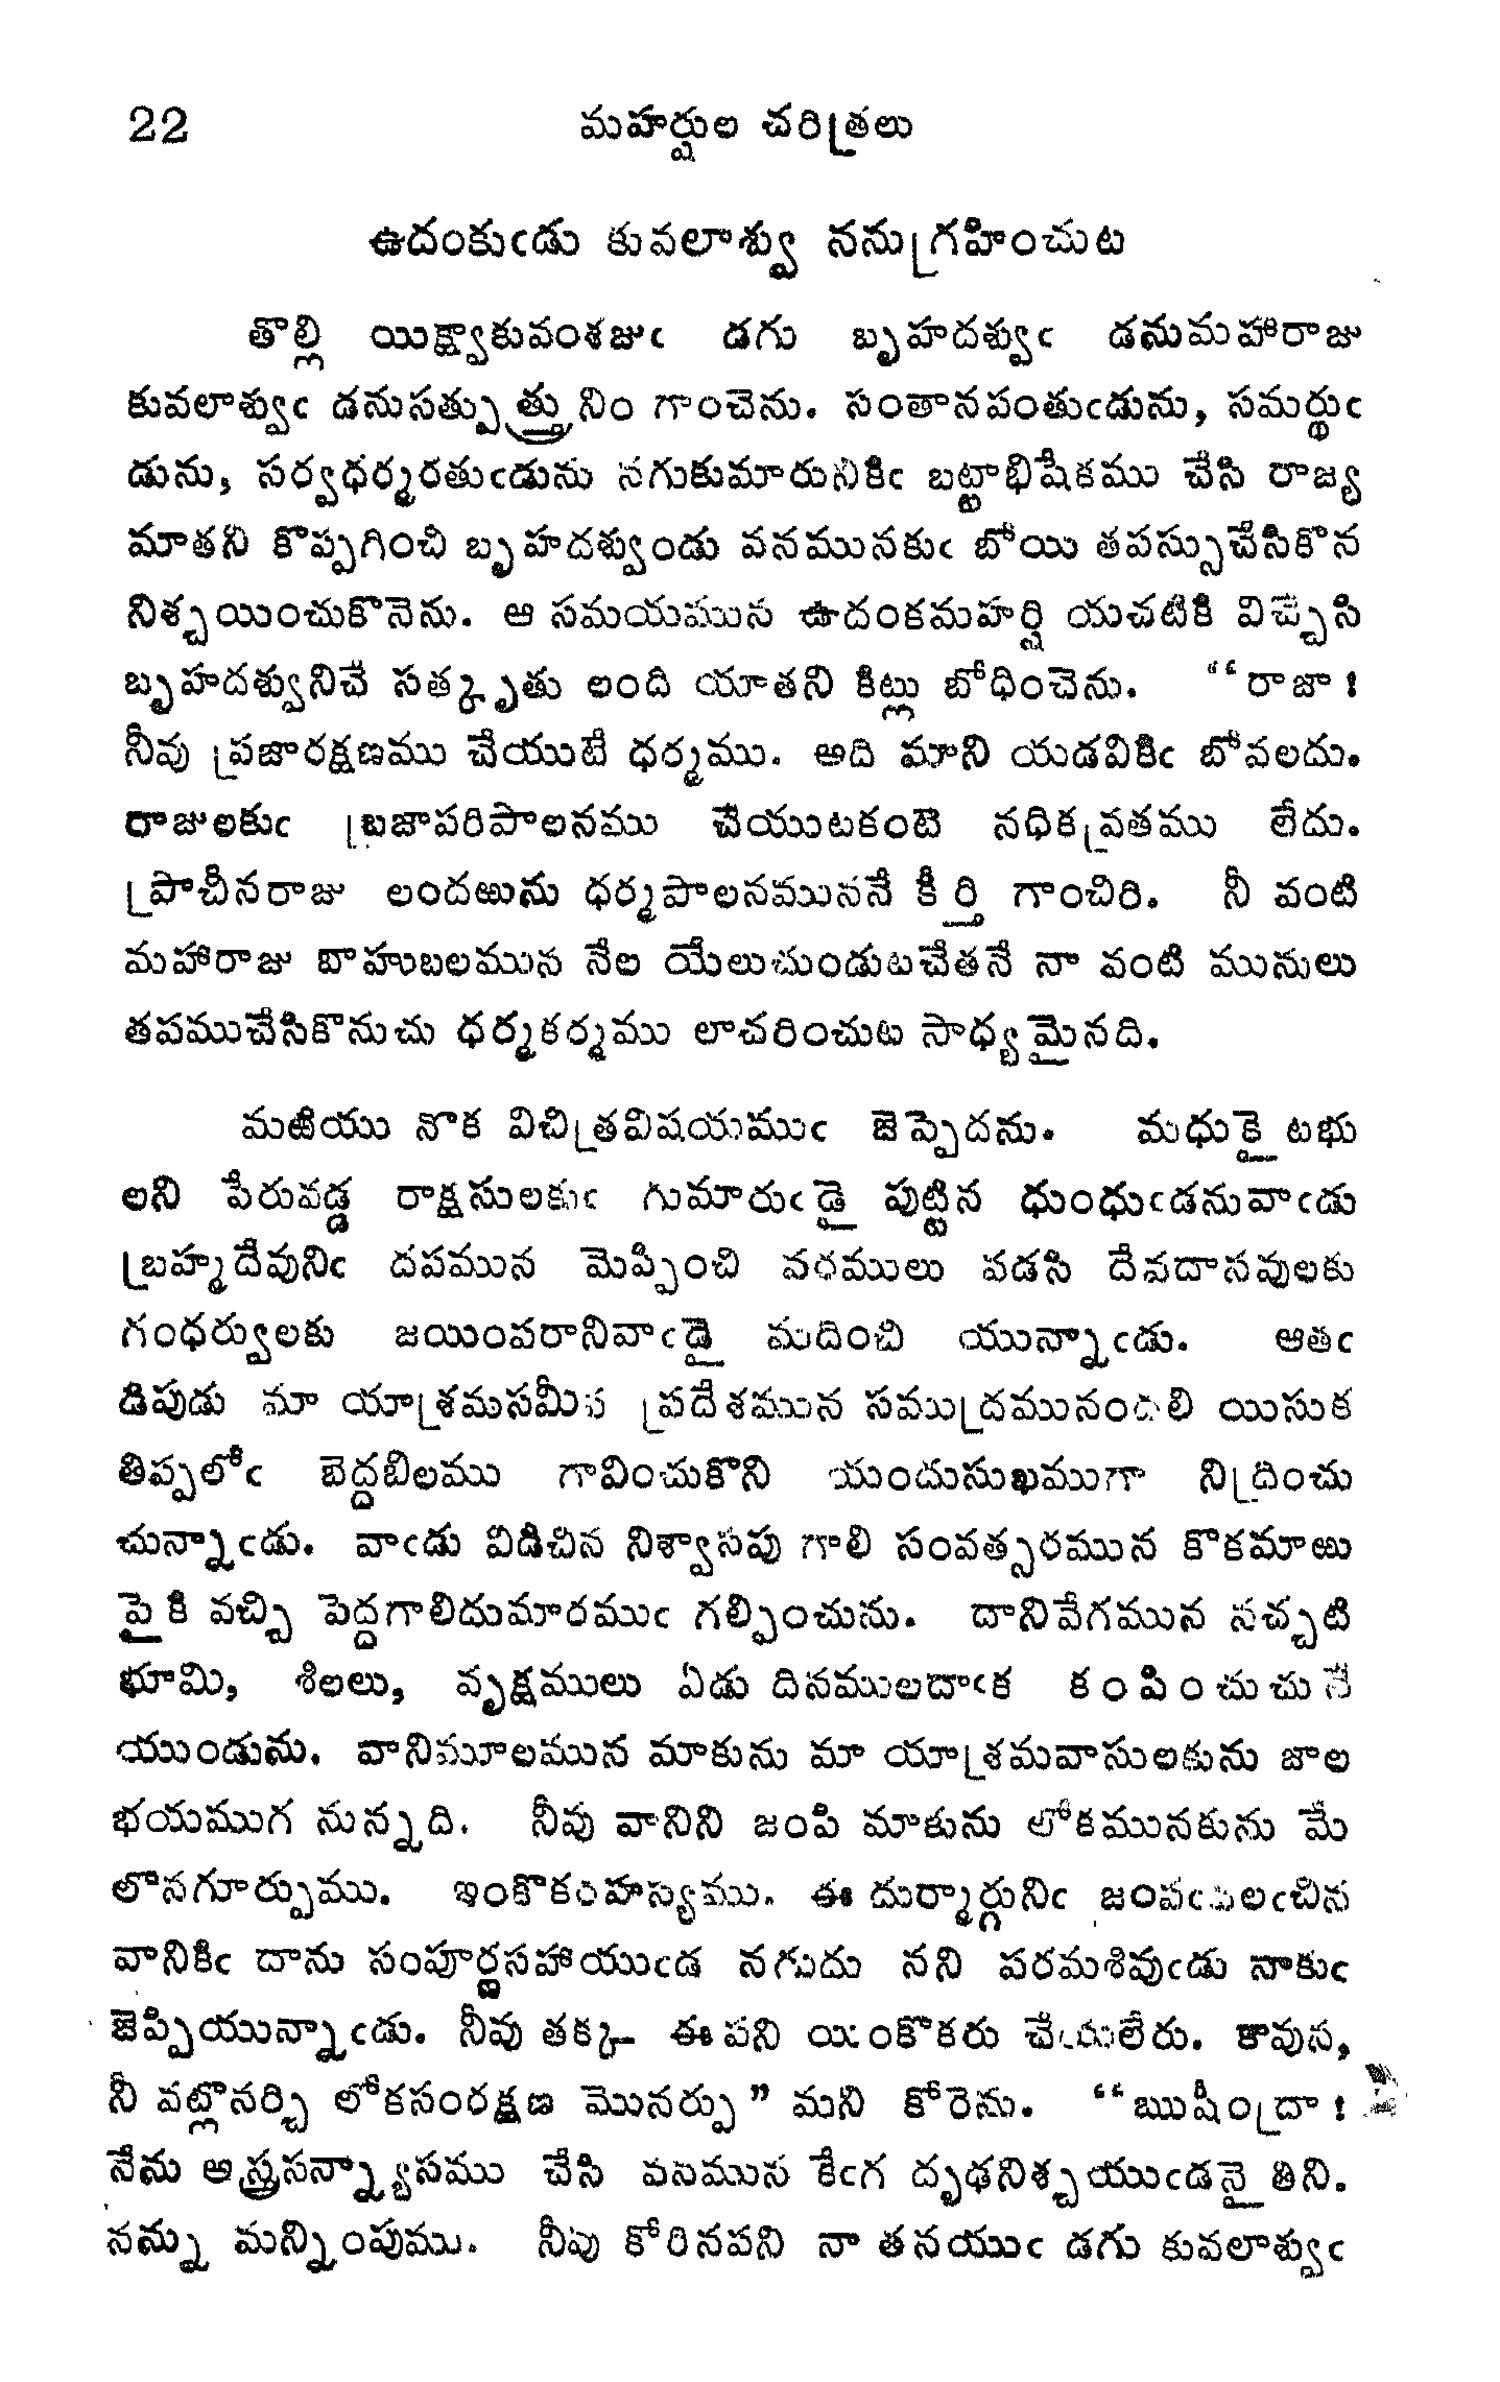ఉదంకుఁడు కువలాశ్వు ననుగ్రహించుట 

తొల్లి యిక్ష్వాకువంశజుఁ డగు బృహదశ్వుఁ డనుమహారాజు కువలాశ్వుఁ డనుసత్పుత్త్రునిం గాంచెను. సంతానవంతుఁడును, సమర్థుఁడును, సర్వధర్మరతుఁడును నగుకుమారునికిఁ బట్టాభిషేకము చేసి రాజ్యమాతని కొప్పగించి బృహదశ్వుండు వనమునకుఁ బోయి తపస్సు చేసికొన నిశ్చయించుకొనెను. ఆ సమయమున ఉదంకమహర్షి యచటికి విచ్చేసి బృహదశ్వునిచే సత్కృతు లంది యాతని కిట్లు బోధించెను. “రాజా! నీవు ప్రజారక్షణము చేయుటే ధర్మము. అది మాని యడవికిఁ బోవలదు. రాజులకుఁ బ్రజాపరిపాలనము చేయుటకంటె నధికవ్రతము లేదు. ప్రాచీనరాజు లందఱును ధర్మపాలనముననే కీర్తి గాంచిరి. నీ వంటి మహారాజు బాహుబలమున నేల యేలుచుండుటచేతనే నా వంటి మునులు తపముచేసికొనుచు ధర్మకర్మము లాచరించుట సాధ్యమైనది.

మఱియు నొక విచిత్రవిషయముఁ జెప్పెదను. మధుకైటభులని పేరువడ్డ రాక్షసులకుఁ గుమారుఁడై పుట్టిన ధుంధుఁడనువాఁడు బ్రహ్మదేవునిఁ దపమున మెప్పించి వరములు పడసి దేవదానవులకు గంధర్వులకు జయింపరానివాఁడై మదించి యున్నాఁడు. ఆతఁడిపుడు మా యాశ్రమసమీప ప్రదేశమున సముద్రమునందలి యిసుక తిప్పలోఁ బెద్దబిలము గావించుకొని యందుసుఖముగా నిద్రించుచున్నాఁడు. వాఁడు విడిచిన నిశ్వాసపు గాలి సంవత్సరమున కొకమాఱు పైకి వచ్చి పెద్దగాలిదుమారముఁ గల్పించును. దానివేగమున నచ్చటి భూమి, శిలలు, వృక్షములు ఏడు దినములదాఁక కంపించుచునే యుండును. వానిమూలమున మాకును మా యాశ్రమవాసులకును జాల భయముగ నున్నది. నీవు వానిని జంపి మాకును లోకమునకును మేలొనగూర్పుము. ఇంకొకరహస్యము. ఈ దుర్మార్గునిఁ జంపఁదలఁచిన వానికిఁ దాను సంపూర్ణసహాయుఁడ నగుదు నని పరమశివుఁడు నాకుఁ జెప్పియున్నాఁడు. నీవు తక్క ఈ పని యింకొకరు చేయలేరు. కావున, నీ వట్లొనర్చి లోకసంరక్షణ మొనర్పు" మని కోరెను. “ఋషీంద్రా ! నేను అస్త్రసన్న్యాసము చేసి వనమున కేఁగ దృఢనిశ్చయుఁడనైతిని. నన్ను మన్నింపుము. నీవు కోరినపని నా తనయుఁ డగు కువలాశ్వుఁ